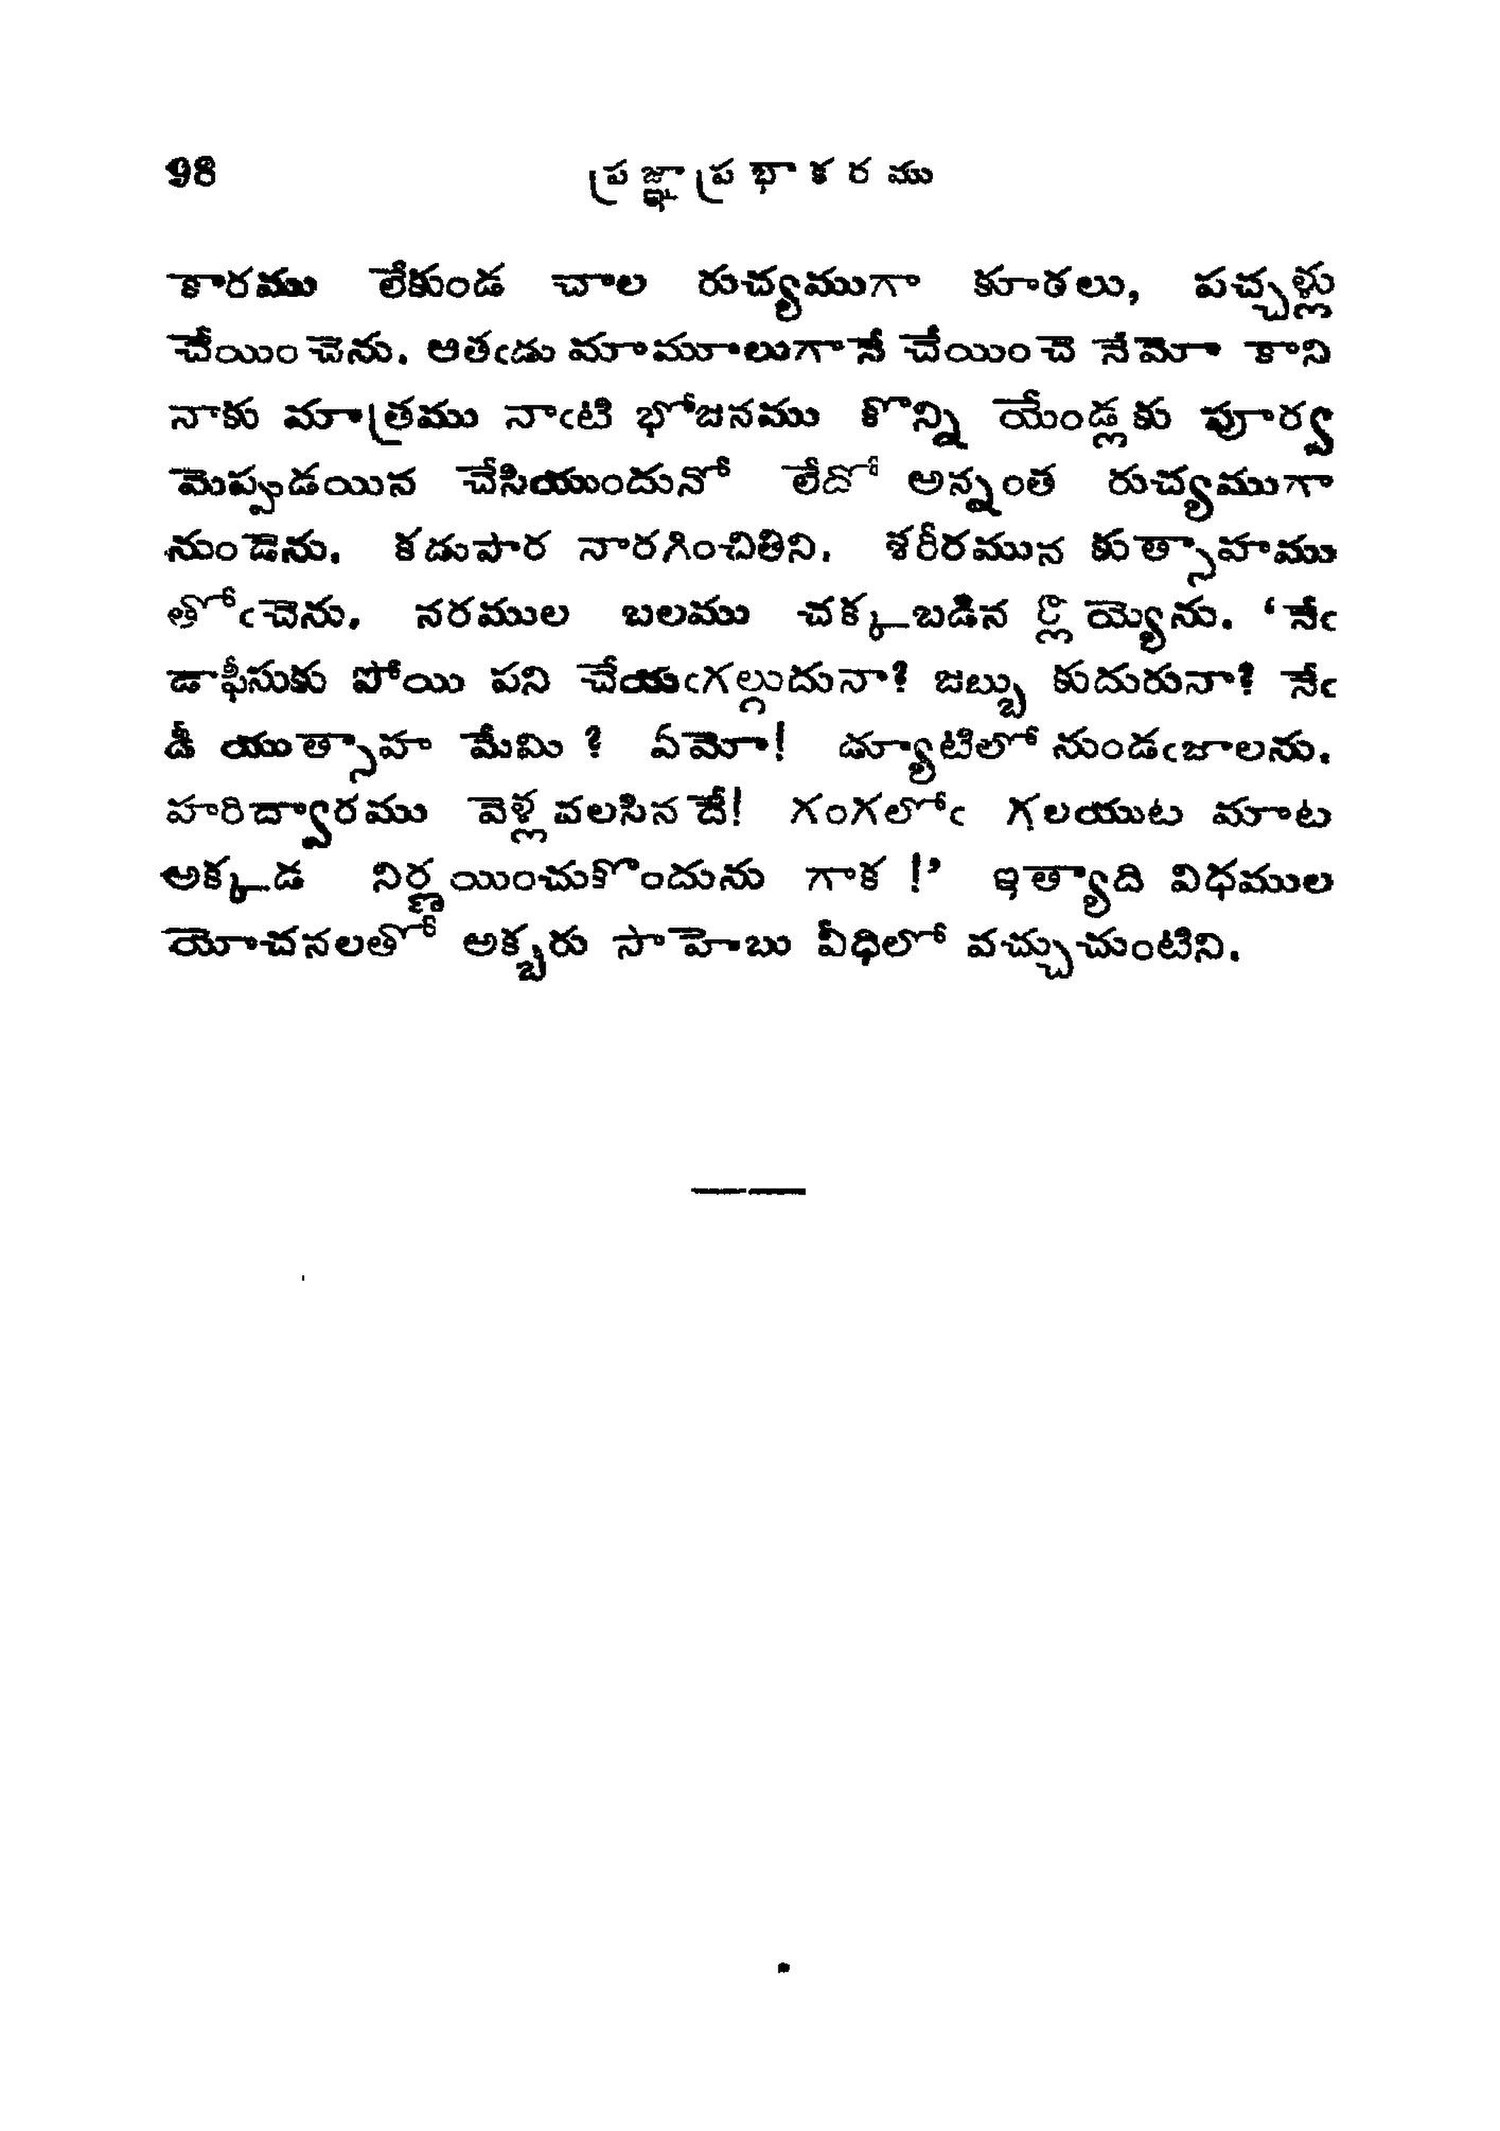కారము లేకుండ చాల రుచ్యముగా కూరలు, పచ్చళ్ళు చేయించెను. ఆతఁడు మామూలుగానే చేయించె నేమో కాని నాకు మాత్రము నాఁటి భోజనము కొన్ని యేండ్లకు పూర్వ మెప్పుడయిన చేసియుందునో లేదో అన్నంత రుచ్యముగా నుండెను. కడుపార నారగించితిని. శరీరమున కుత్సాహము తోఁచెను. నరముల బలము చక్కబడినట్లయ్యెను.' నేఁ డాఫీసుకు పోయి పని చేయగల్గుదునా? జబ్బు కుదురునా? నేఁ డీ యుత్సాహ మేమి? ఏమో! డ్యూటిలో నుండఁజాలను. హరిద్వారము వెళ్ళ వలసినదే! గంగలోఁ గలయుట మాట అక్కడ నిర్ణయించుకొందును గాక!' ఇత్యాది విధముల యోచనలతో అక్బరు సాహెబు వీధిలో వచ్చుచుంటిని.